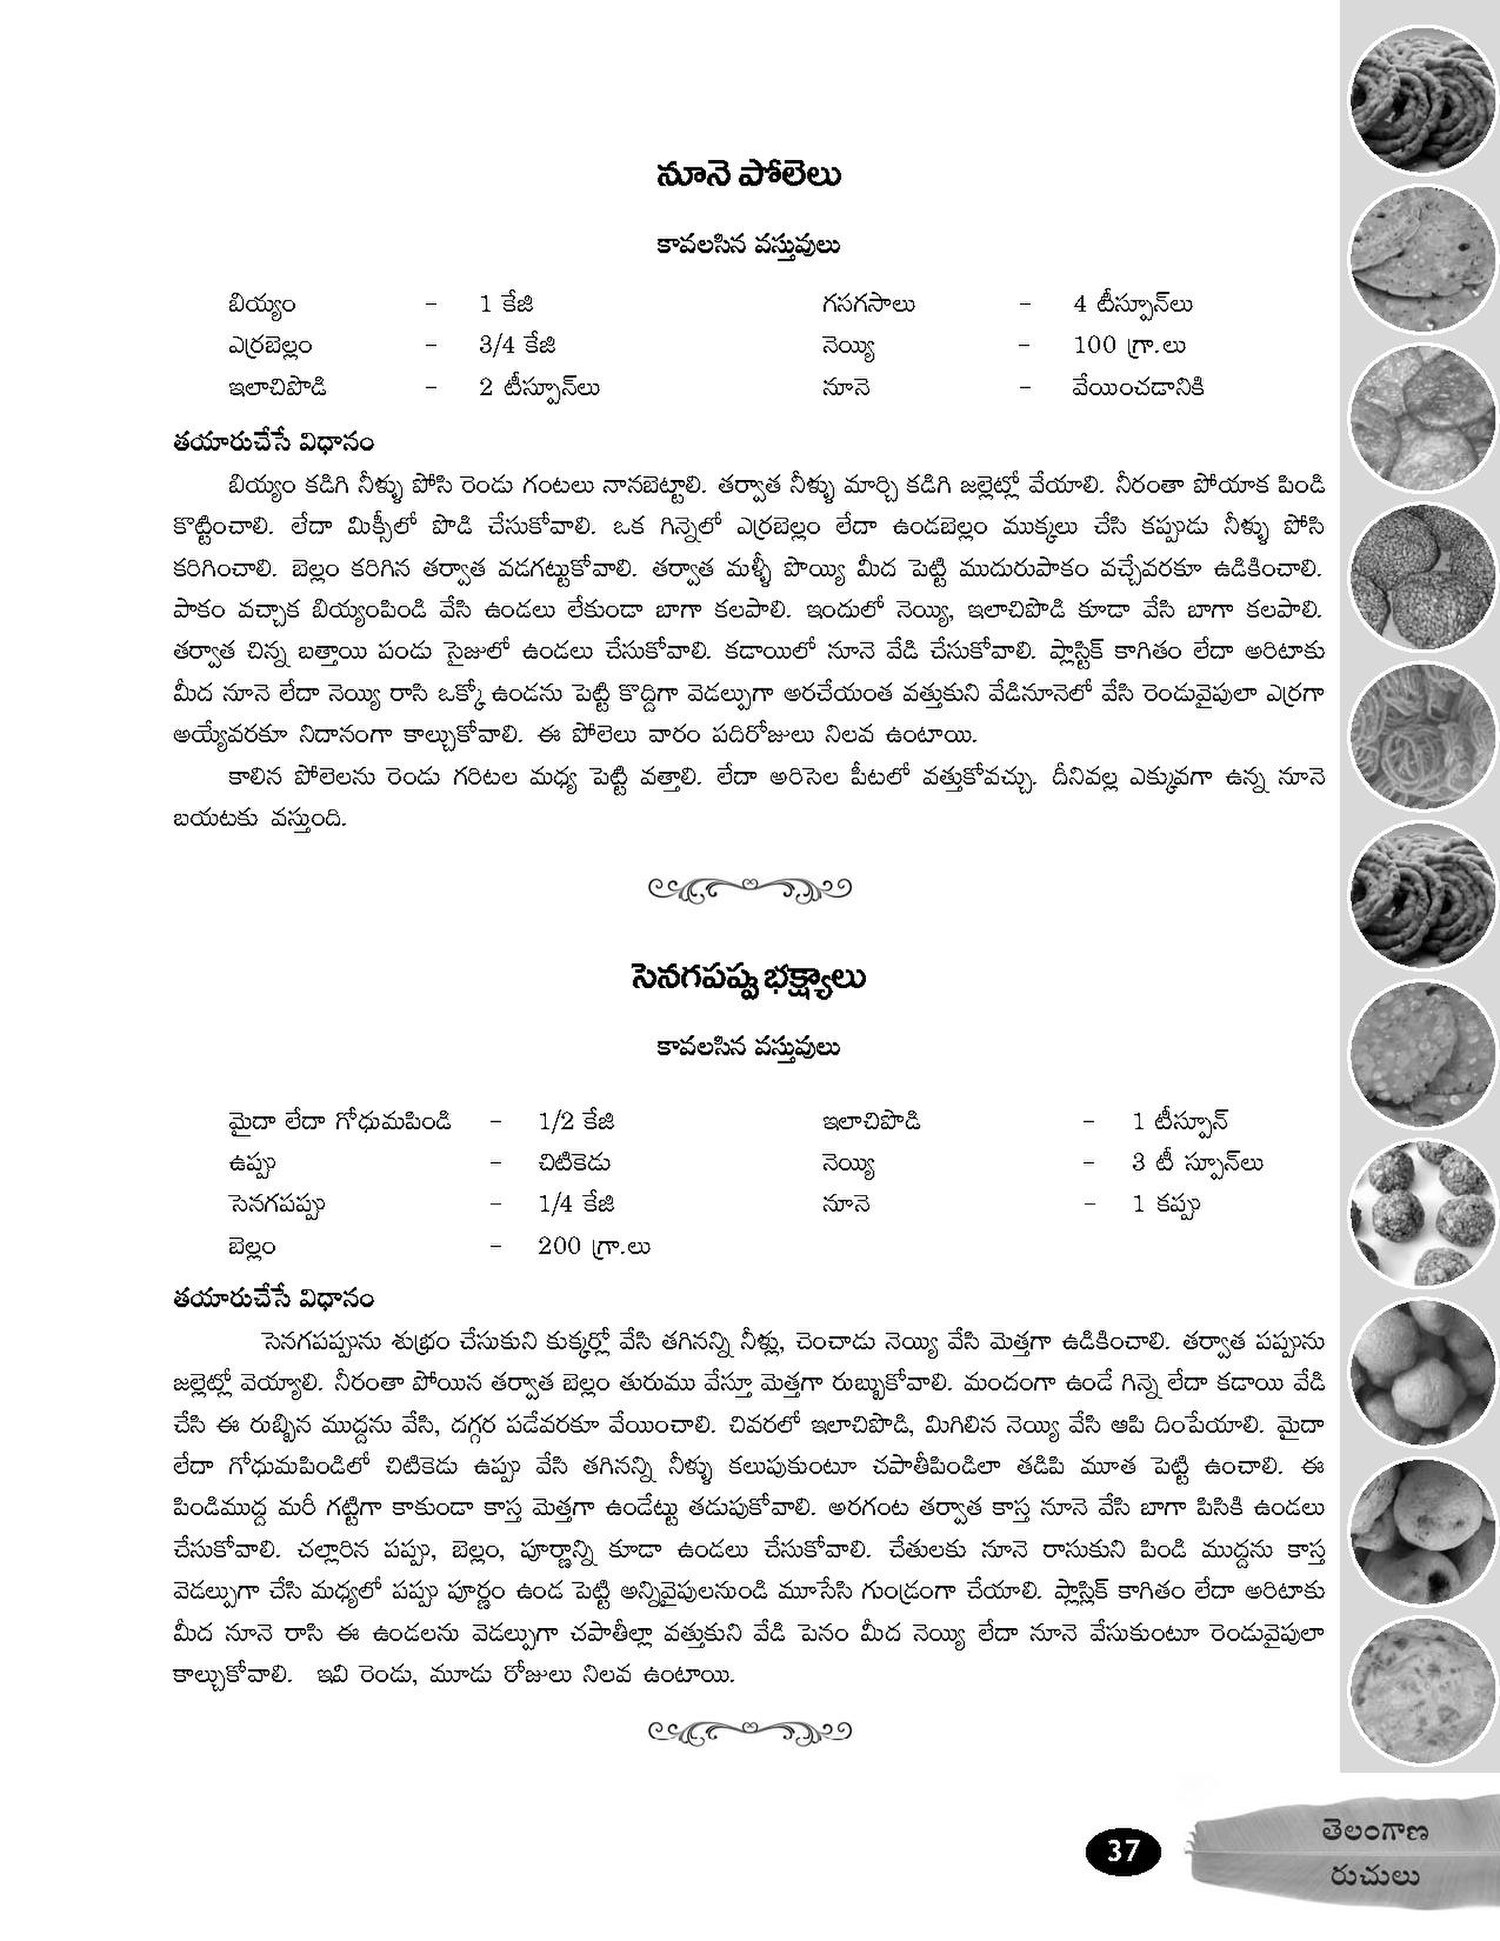+ కావలసిన వస్తువులు బియ్యం 1 కేజి గసగసాలు 4 టీస్పూన్లు ఎర్రబెల్లం 2/4 కేజి నెయ్యి 100 గ్రా. లు ఇలాచిపొడ్ 2 టీస్పూన్లు నూనె వేయించడానికి
తయారుచేసే విధానం

బియ్యం కడిగి నీళ్ళు పోసి రెండు గంటలు నానబెట్టాలి. తర్వాత నీళ్ళు మార్చి కడిగి జల్లెట్లో వేయాలి. నీరంతా పోయాక పిండి కొట్టించాలి. లేదా మిక్సీలో పొడి చేసుకోవాలి. ఒక గిన్నెలో ఎర్రబెల్లం లేదా ఉండబెల్లం ముక్కలు చేసి కప్పుడు నీళ్ళు పోసి కరిగించాలి. బెల్లం కరిగిన తర్వాత వడగట్టుకోవాలి. తర్వాత మళ్ళీ పొయ్యి మీద పెట్టి ముదురుపాకం వచ్చేవరకూ ఉడికించాలి. పాకం వచ్చాక బియ్యంపిండి వేసి ఉండలు లేకుండా బాగా కలపాలి. ఇందులో నెయ్యి, ఇలాచిపొడి కూడా వేసి బాగా కలపాలి. తర్వాత చిన్న బత్తాయి పండు సైజులో ఉండలు చేసుకోవాలి. కడాయిలో నూనె వేడి చేసుకోవాలి. ప్లాస్టిక్ కాగితం లేదా అరిటాకు మీద నూనె లేదా నెయ్యి రాసి ఒక్కో ఉండను పెట్టి కొద్దిగా వెడల్పుగా అరచేయంత వత్తుకుని వేడినూనెలో వేసి రెండువైపులా ఎర్రగా అయ్యేవరకూ నిదానంగా కాల్చుకోవాలి. ఈ పోలెలు వారం పదిరోజులు నిలవ ఉంటాయి.

కాలిన పోలెలను రెండు గరిటల మధ్య పెట్టి వత్తాలి. లేదా అరిసెల పీటలో వత్తుకోవచ్చు. దీనివల్ల ఎక్కువగా ఉన్న నూనె బయటకు వస్తుంది.

+ కావలసిన వస్తువులు మైదా లేదా గోధుమపిండి 1/2 కేజి ఇలాచి పొడి 1 టీస్పూన్ ఉప్పు చిటికెడు నెయ్యి 3 టీస్పూన్ లు సెనగపప్పు 1/4 కేజీ నూనె 1 కప్పు బెల్లం 200 గ్రా. లు 

తయారుచేసే విధానం

సెనగపప్పును శుభ్రం చేసుకుని కుక్కర్లో వేసి తగినన్ని నీళ్లు, చెంచాడు నెయ్యి వేసి మెత్తగా ఉడికించాలి. తర్వాత పప్పును జల్లెట్లో వెయ్యాలి. నీరంతా పోయిన తర్వాత బెల్లం తురుము వేస్తూ మెత్తగా రుబ్బుకోవాలి. మందంగా ఉండే గిన్నె లేదా కడాయి వేడి చేసి ఈ రుబ్బిన ముద్దను వేసి, దగ్గర పడేవరకూ వేయించాలి. చివరలో ఇలాచిపొడి, మిగిలిన నెయ్యి వేసి ఆపి దింపేయాలి. మైదా లేదా గోధుమపిండిలో చిటికెడు ఉప్పు వేసి తగినన్ని నీళ్ళు కలుపుకుంటూ చపాతీపిండిలా తడిపి మూత పెట్టి ఉంచాలి. ఈ పిండిముద్ద మరీ గట్టిగా కాకుండా కాస్త మెత్తగా ఉండేట్టు తడుపుకోవాలి. అరగంట తర్వాత కాస్త నూనె వేసి బాగా పిసికి ఉండలు చేసుకోవాలి. చల్లారిన పప్పు, బెల్లం, పూర్ణాన్ని కూడా ఉండలు చేసుకోవాలి. చేతులకు నూనె రాసుకుని పిండి ముద్దను కాస్త వెడల్పుగా చేసి మధ్యలో పప్పు పూర్ణం ఉండ పెట్టి అన్నివైపులనుండి మూసేసి గుండ్రంగా చేయాలి. ప్లాస్టిక్ కాగితం లేదా అరిటాకు మీద నూనె రాసి ఈ ఉండలను వెడల్పుగా చపాతీల్లా వత్తుకుని వేడి పెనం మీద నెయ్యి లేదా నూనె వేసుకుంటూ రెండువైపులా కాల్చుకోవాలి. ఇవి రెండు, మూడు రోజులు నిలవ ఉంటాయి.
తెలంగాణ రుచులు